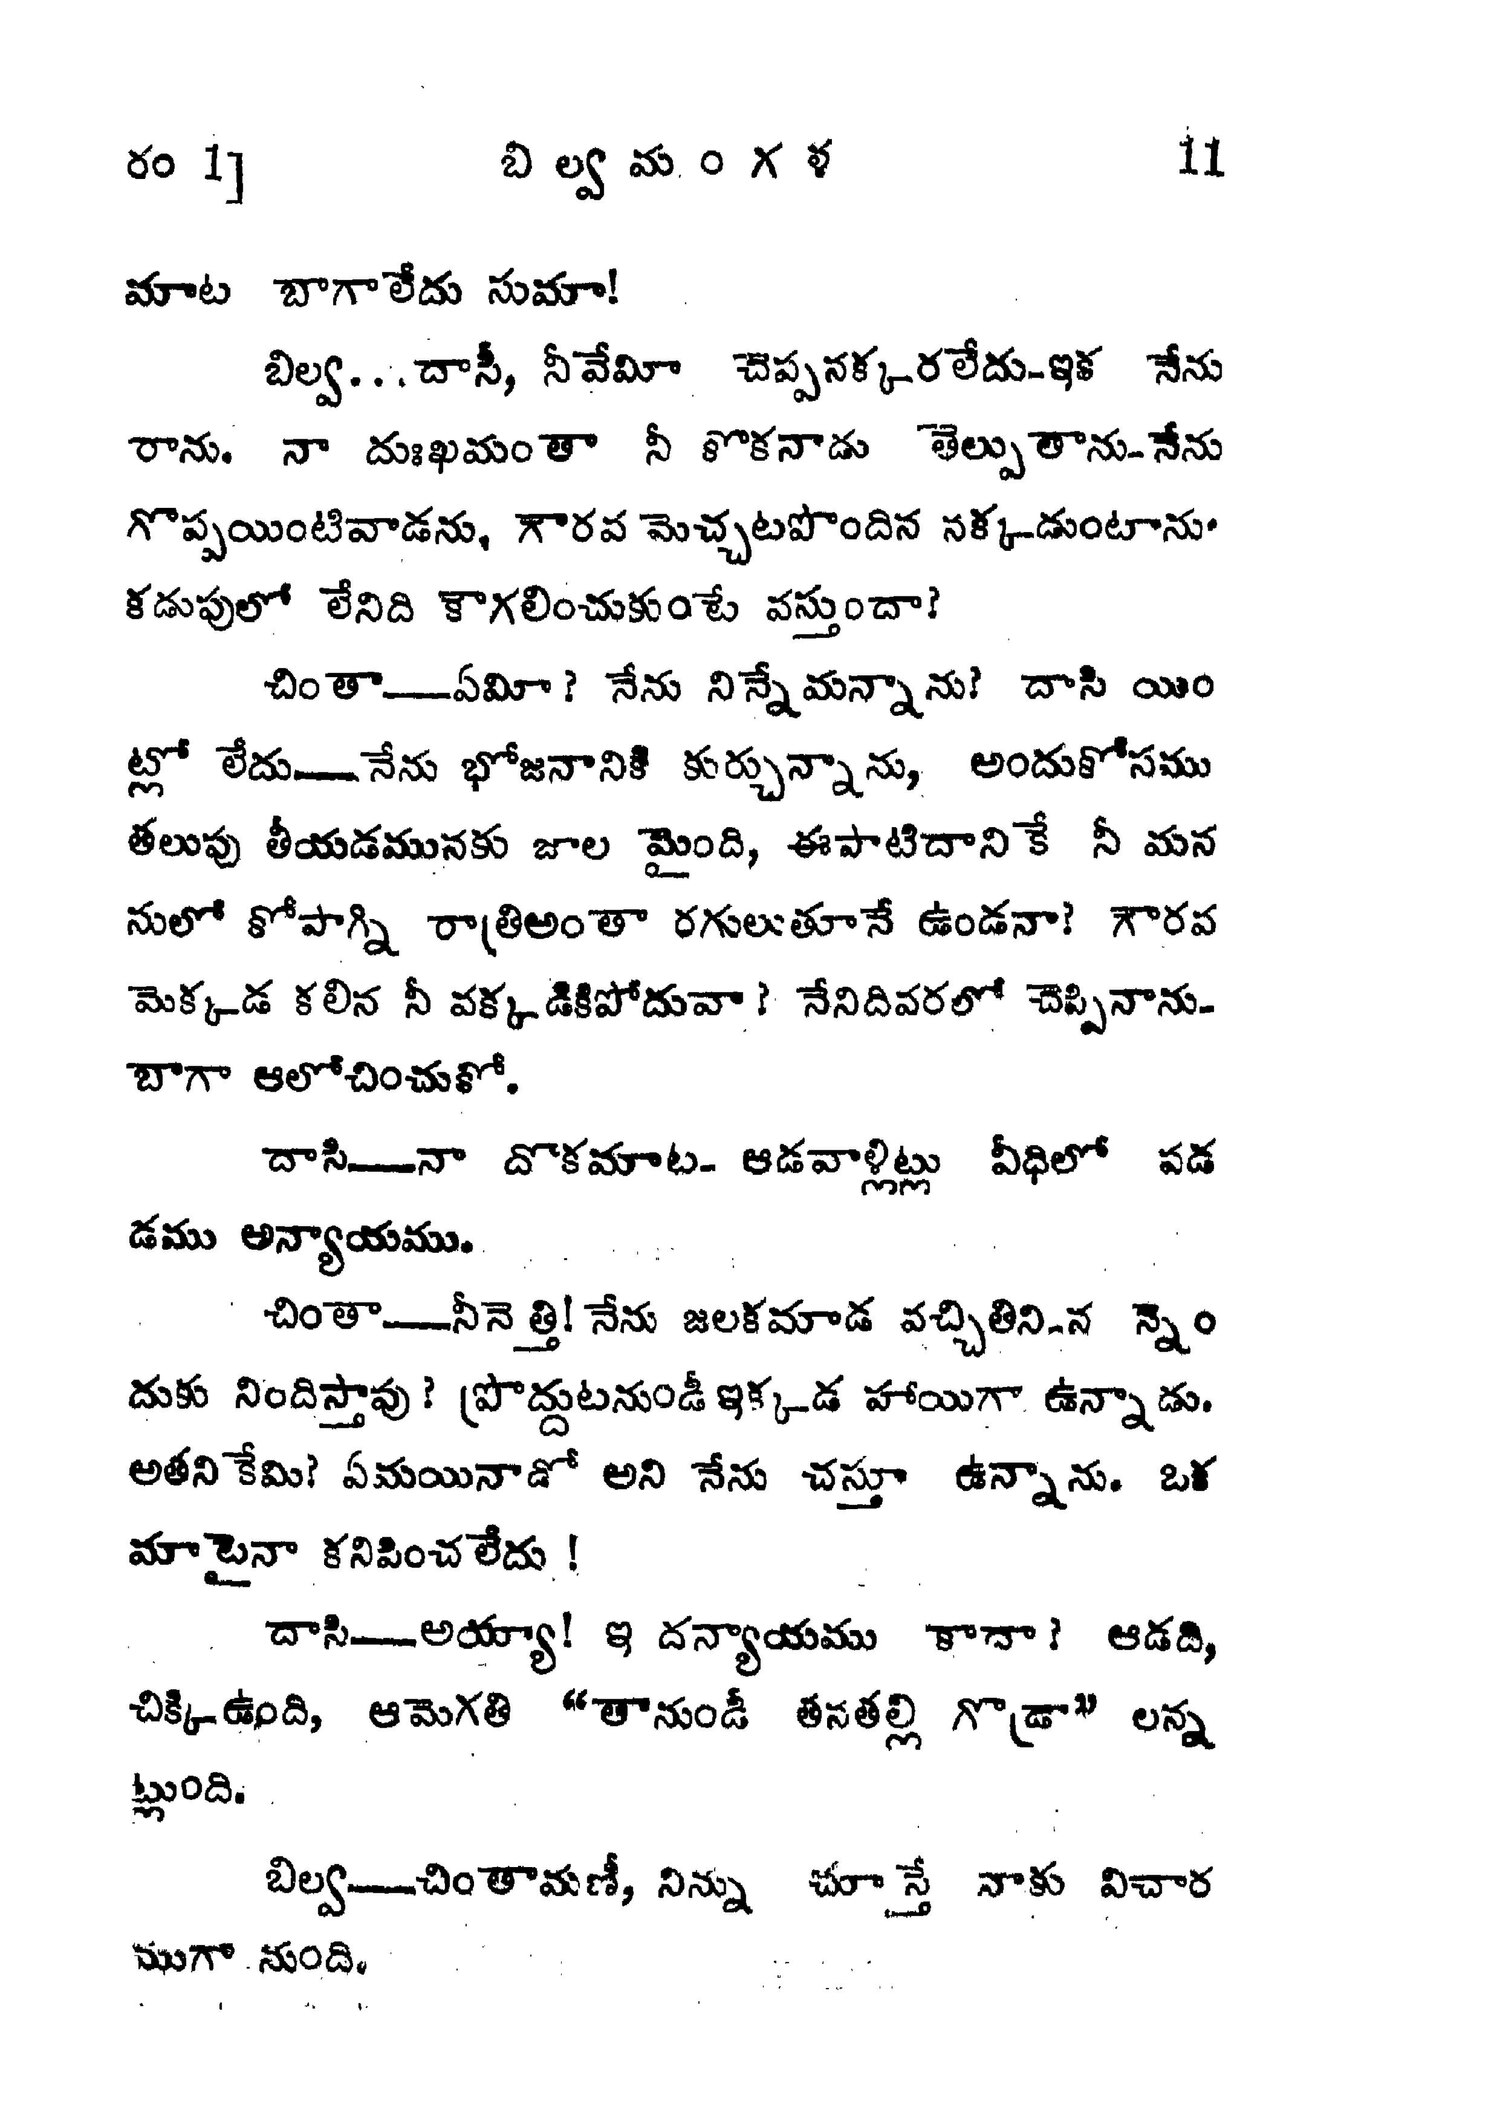మాట బాగాలేదు సుమా!

బిల్వ ... దాసీ, నీవేమీ చెప్పనక్కరలేదు - ఇక నేను రాను. నా దు:ఖమంతా నీ కొకనాడు తెల్పుతాను - నేను గొప్పయింటివాడను. గౌరవ మెచ్చటపొందిన నక్కడుంటాను. కడుపులో లేనిది కౌగలించుకుంటే వస్తుందా?

చింతా - ఏమీ? నేను నిన్నేమన్నాను? దాసి యింట్లో లేదు - నేను భోజనానికి కూర్చున్నాను, అందుకోసము తలుపు తీయడమునకు జాల మైంది, ఈపాటిదానికే నీ మనసులో కోపాగ్ని రాత్రిఅంతా రగులుతూనే ఉండనా? గౌరవ మెక్కడ కలిగిన నీ వక్కడికిపోదువా? నేనిదివరలో చెప్పినాను - బాగా ఆలోచించుకో.

దాసి - నా దొకమాట - ఆడవాళ్లిట్లు వీధిలో పడడము అన్యాయము.

చింతా - నీనెత్తి! నేను జలకమాడ వచ్చితిని - న న్నెందుకు నిందిస్తావు? ప్రొద్దుటనుండీ ఇక్కడ హాయిగా ఉన్నాడు. అతనికేమి? ఏమయినాడో అని నేను చస్తూ ఉన్నాను. ఒక మాటైనా కనిపించలేదు!

దాసి - అయ్యా! ఇ దన్యాయము కాదా? ఆడది, చిక్కిఉంది, ఆమెగతి "తానుండి తనతల్లి గొడ్రా" లన్నట్లుంది.

బిల్వ - చింతామణీ, నిన్ను చూస్తే నాకు విచారముగా నుంది.